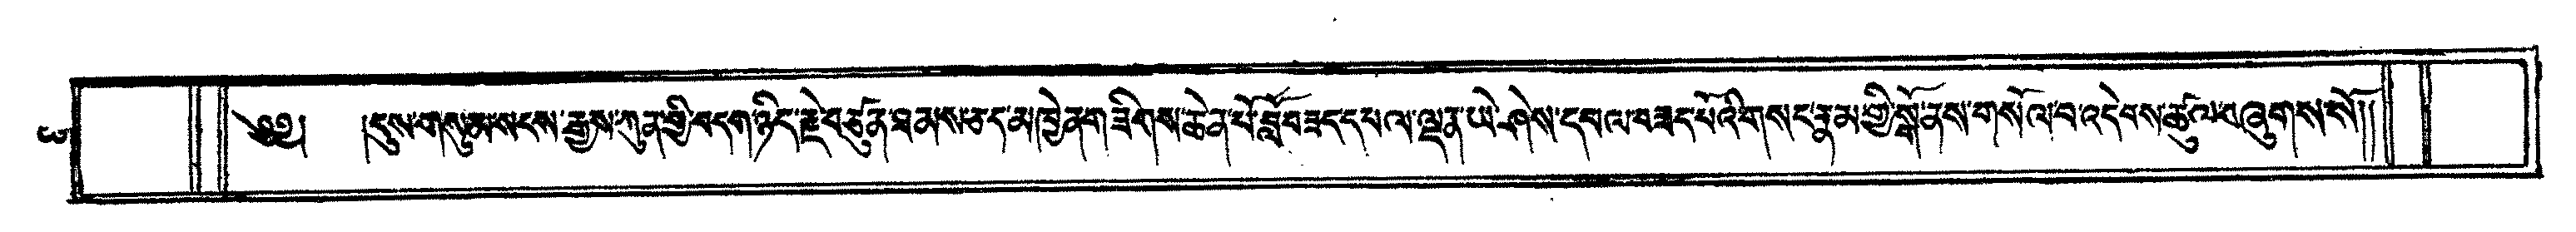༄༅། །དུས་གསུམ་སངས་རྒྱས་ཀུན་གྱི་བདག་ཉིད་རྗེ་བཙུན་ཐམས་ཅད་མཁྱེན་གཟིགས་ཆེན་པོ་བློ་བཟང་དཔལ་ལྡན་ཡེ་ཤེས་དཔལ་བཟང་པོའི་གསང་རྣམ་གྱི་སྒོ་ནས་གསོལ་བ་འདེབས་ཚུལ་བཞུགས།།